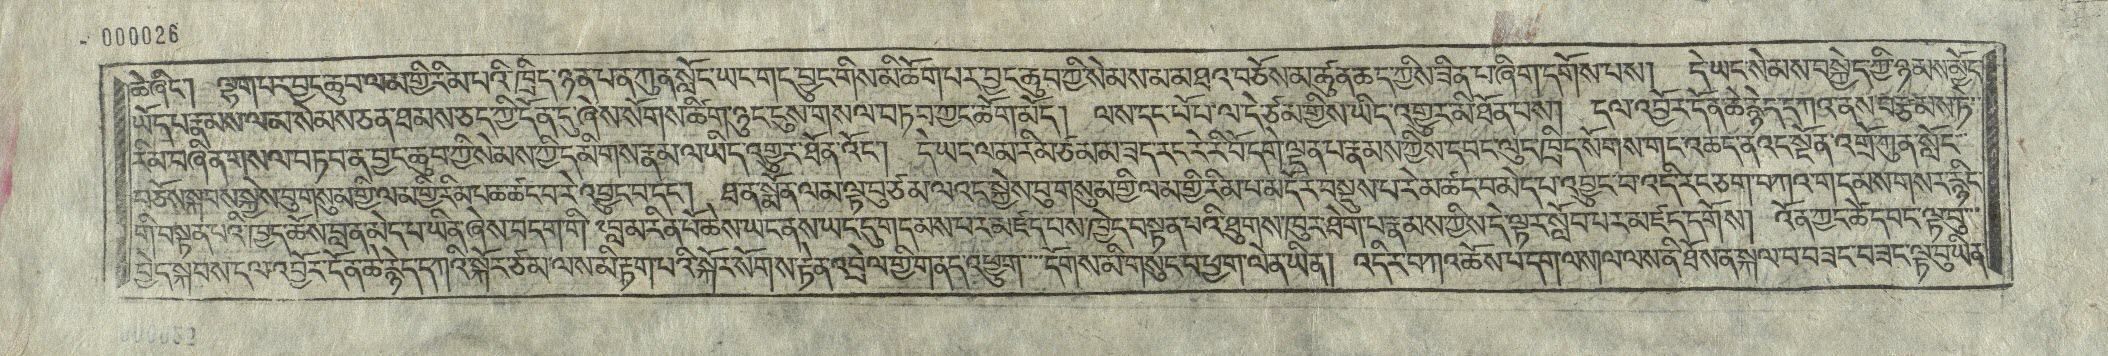ཆེ་ཞིང་། ལྷག་པར་བྱང་ཆུབ་ལམ་གྱི་རིམ་པའི་ཁྲིད་ཉན་པ་ན་ཀུན་སློང་ཡང་གང་བྱུང་གིས་མི་ཆོག་པར་བྱང་ཆུབ་ཀྱི་སེམས་མ་མཐའ་བཅོས་མ་ཚུན་ཆད་ཀྱིས་ཟིན་པ་ཞིག་དགོས་པས། དེ་ཡང་སེམས་བསྐྱེད་ཀྱི་ཉམས་མྱོང་
ཡོད་པ་རྣམས་ལ་མ་སེམས་ཅན་ཐམས་ཅད་ཀྱི་དོན་དུ་ཞེས་སོགས་ཚིག་ཉུང་ངུས་གསལ་བཏབ་ཀྱང་ཆོག་མོད། ལས་དང་པོ་པ་ལ་དེ་ཙམ་གྱིས་ཡིད་འགྱུར་མི་ཐོན་པས། དལ་འབྱོར་དོན་ཆེ་རྙེད་དཀའ་ནས་བརྩམས་ཏེ་
རིམ་བཞིན་གསལ་བཏབ་ན་བྱང་ཆུབ་ཀྱི་སེམས་ཀྱི་དམིགས་རྣམ་ལ་ཡིད་འགྱུར་ཐོན་འོང་། དེ་ཡང་ལམ་རིམ་ཙམ་མ་ཟད་རང་རེ་རི་བོ་དགེ་ལྡན་པ་རྣམས་ཀྱིས་དབང་ལུང་ཁྲིད་སོགས་གང་འཆད་ནའང་སྔོན་འགྲོ་ཀུན་སློང་
བཅོས་སྐབས་སྐྱེས་བུ་གསུམ་གྱི་ལམ་གྱི་རིམ་པ་ཆ་ཚང་བ་རེ་འབྱུང་བ་དང་། ཐ་ན་སྨོན་ལམ་ལྟ་བུ་ཙམ་ལའང་སྐྱེས་བུ་གསུམ་གྱི་ལམ་གྱི་རིམ་པ་མདོར་བསྡུས་པ་རེ་མ་ཚང་བ་མེད་པ་འབྱུང་བ་འདི་རང་ཅག་བཀའ་གདམས་གསར་རྙིང་
གི་བསྟན་པའི་ཁྱད་ཆོས་བླ་ན་མེད་པ་ཡིན་ཞེས་བདག་གི་~་?་བླ་མ་རིན་པོ་ཆེས་ཡང་ནས་ཡང་དུ་གདམས་པར་མཛད་པས་ཁྱེད་བསྟན་པའི་ཐུགས་ཁུར་ཐེག་པ་རྣམས་ཀྱིས་དེ་ལྟར་སློབ་པར་མཛད་དགོས། འོན་ཀྱང་ཚེ་དབང་ལྟ་བུ་
བྱེད་སྐབས་དལ་འབྱོར་དོན་ཆེ་རྙེད་དཀའི་སྐོར་ཙམ་ལས་མི་རྟག་པའི་སྐོར་སོགས་རྟེན་འབྲེལ་གྱི་གནད་འཕྱུག་དོགས་མི་གསུང་བ་ཕྱག་ལེན་ཡིན། འདིར་བཀའ་ཆོས་པ་དག་ལས། ལ་ལས་ནི་ཐོས་ན་སྐལ་བ་བཟང་བཟང་ལྟ་བུ་ཡིན་